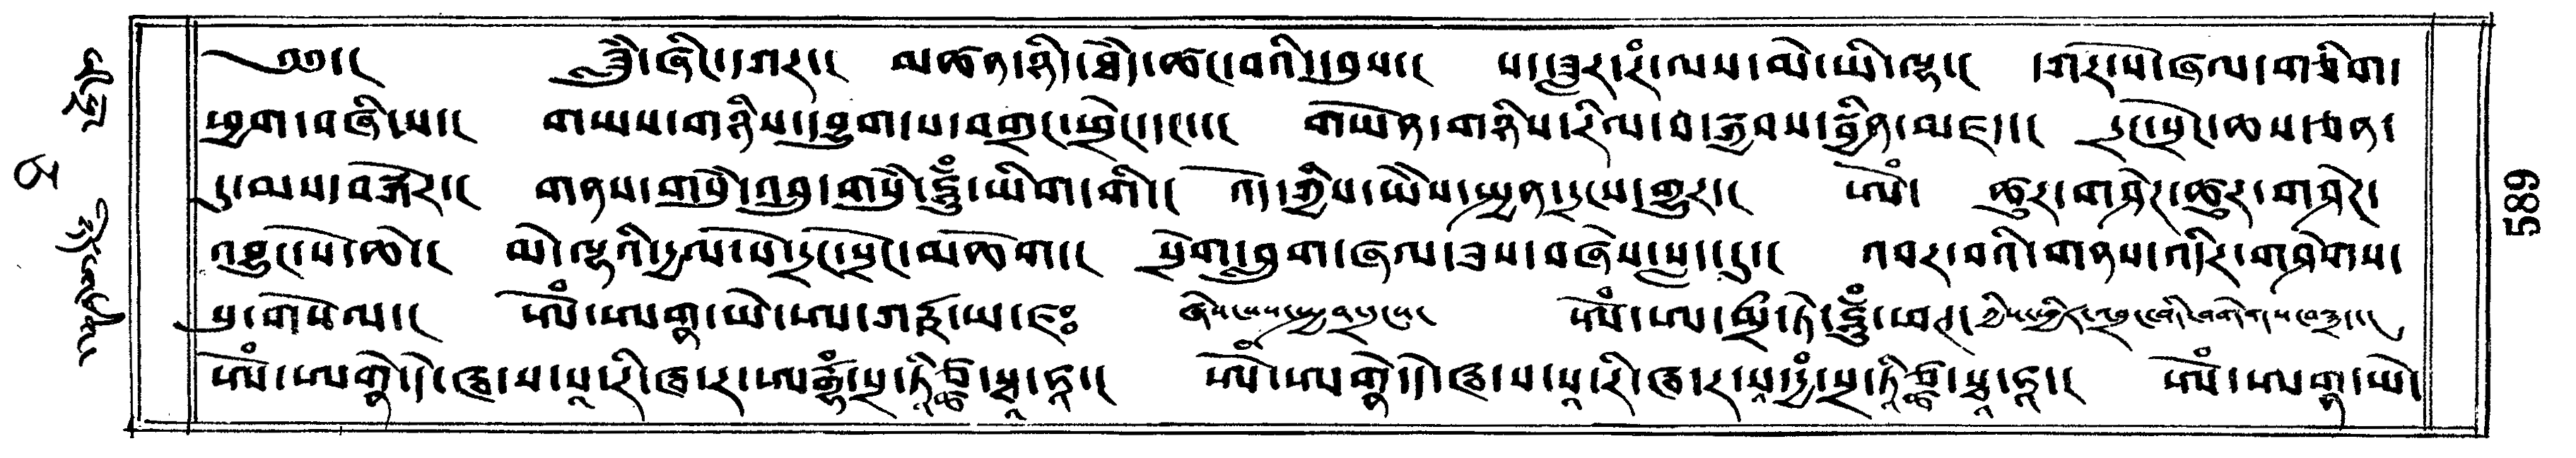ཟླུམ་ཞིང་དཀར། །མཚན་ཉིད་ཐམས་ཅད་ཚང་བའི་དབུས། །པད་ཟླར་རཾ་ལས་མེ་ཡི་ལྷ། །དཀར་པོ་ཞལ་གཅིག་
ཕྱག་བཞི་པ། །གཡས་གཉིས་དབྱུག་པ་བགྲང་ཕྲེང་དང་། །གཡོན་གཉིས་རིལ་བ་སྐྱབས་སྦྱིན་མཛད། །དྲང་སྲོང་ཆས་ཅན་
དུ་མས་བསྐོར། །གནས་གསུམ་འབྲུ་གསུམ་ཧཱུྃ་ཡིག་གི།འོད་ཀྱིས་ཡེ་ཤེས་སྤྱན་དྲངས་གྱུར། ཨོཾ། ཚུར་གཤེགས་ཚུར་གཤེགས་
འབྱུང་པོ་ཆེ། །མེ་ལྷའི་རྒྱལ་པོ་དྲང་སྲོང་མཆོག །སྲེག་བླུག་ཞལ་ཟས་བཞེས་སླད་དུ། །འབར་བའི་གནས་འདིར་གཤེགས་
སུ་གསོལ། ཨོཾ་ཨགྣ་ཡེ་ཨ་ཀརྵ་ཡ་ཛཿ ཞེས་པས་སྤྱན་དྲངས། ཨོཾ་ཨ་མྲྀ་ཏེ་ཧཱུྃ་ཕཊ། ཀྱིས་ཕྱིར་འབྲང་གི་བགེགས་བསྐྲད། 
ཨོཾ་ཨགྣེ་དེ་ཝ་ས་པ་རི་ཝ་ར་ཨརྒྷཾ་པྲ་ཏཱིཙྪ་སྭ་ཧཱ། ཨོཾ་ཨ་གྣེ་དེ་ཝ་ས་པཱ་རི་ཝ་ར་པདྱཾ་པྲ་ཏཱིཙྪ་སྭ་ཧཱ། ཨོཾ་ཨགྣ་ཡེ་